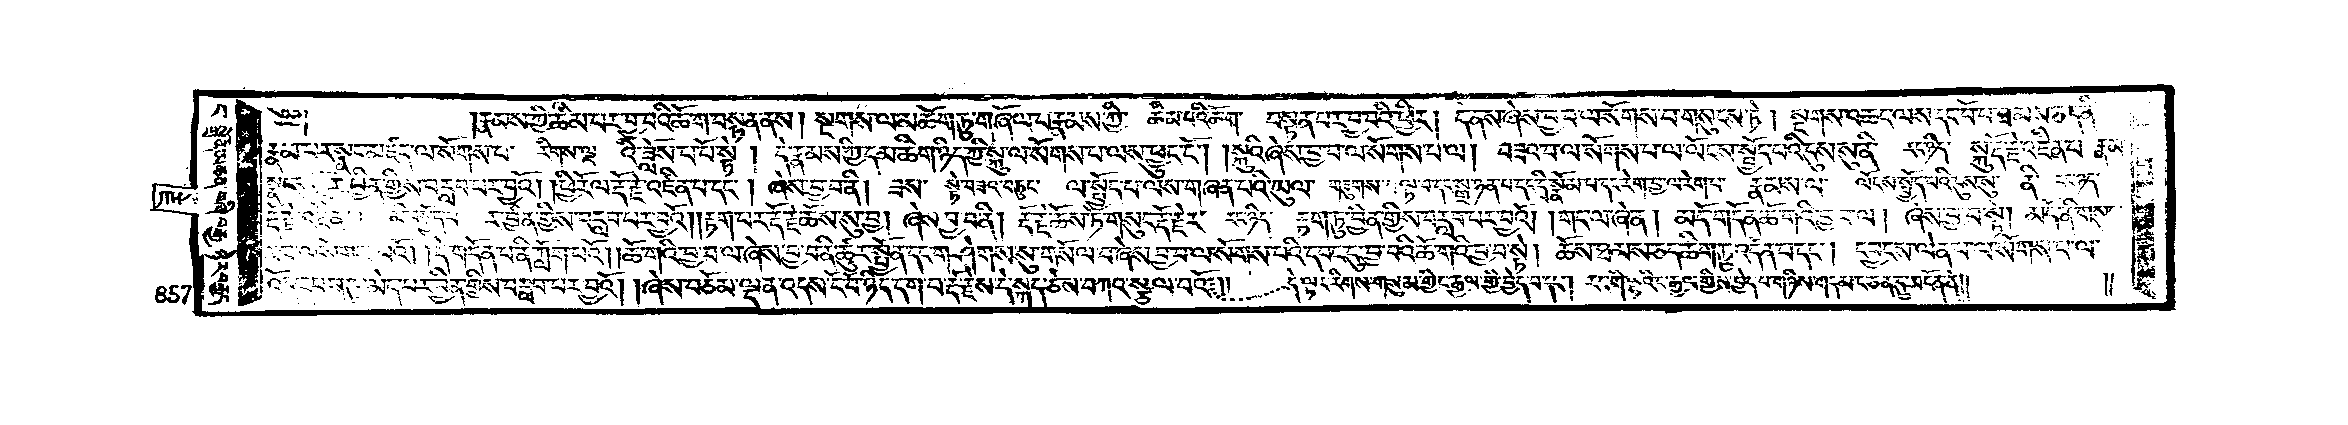༄༅། །རྣམས་ཀྱི་ཚིམ་པར་བྱ་བའི་ཆོ་ག་བསྟན་ནས། སྔགས་ལ་མཆོག་ཏུ་གཞོལ་བ་རྣམས་ཀྱི་ཚིམ་པའི་ཆོག་བསྟན་པར་བྱ་བའི་ཕྱིར། དེ་ནས་ཞེས་བྱ་བ་ལ་སོགས་པ་གསུངས་ཏེ། སྔགས་འཆང་ལས་དང་པོ་པ་ཐམས་ཅད་ནི་
རྣམ་པར་སྣང་མཛད་ལ་སོགས་པ་རིགས་ལྔའི་ཟློས་པ་པོ་སྟེ། དེ་རྣམས་ཀྱི་དམ་ཚིག་ཉིད་ཀྱི་སྐུ་ལ་སོགས་པ་ལས་ཕྱུང་ངོ། །སྐུའི་ཞེས་བྱ་བ་ལ་སོགས་པ་ལ། བཟའ་བ་ལ་སོགས་པ་ལ་ལོངས་སྤྱོད་པའི་དུས་སུ་ནི་རང་ཉིད་སྐུ་རྡོ་རྗེ་འཛིན་པ་རྣམ་
སྣང་དུ་ར་བྱིན་གྱིས་བརླབ་པར་བྱའོ། །ཕྱི་རོལ་རྡོ་རྗེ་འཛིན་པ་དང་། ཞེས་བྱ་བ་ནི། ཟས་སྟེ་བཟའ་བཏུང་ལ་སྤྱོད་པ་ལས་གཞན་པའི་ཡུལ་གཟུགས་བལྟ་བ་དང་སྒྲ་ཉན་པ་དང་དྲི་སྣོམ་པ་དང་རེག་བྱ་ལ་རེག་པ་རྣམས་ལ་ལོངས་སྤྱོད་པའི་དུས་སུ་ནི་རང་ཉིད
རྡོ་རྗེ་འཛིན་པ་མི་བསྐྱོད་པར་བྱིན་གྱིས་བརླབ་པར་བྱའོ། །རྟག་པར་རྡོ་རྗེ་ཆོས་སུ་བྱ། ཞེས་བྱ་བ་ནི། རྡོ་རྗེ་ཆོས་ཏེ་གསུང་རྡོ་རྗེར་རང་ཉིད་རྟག་ཏུ་བྱིན་གྱིས་བརླབ་པར་བྱའོ། །གང་ལ་ཞེ་ན། མདོ་གདོན་ཆོ་གའི་བྱ་བ་ལ། ཞེས་བྱ་བ་སྟེ། མདོ་ནི་གསུང་
རབ་ལ་སོགས་པའོ། །དེ་གདོན་པ་ནི་ཀློག་པའོ། །ཆོ་གའི་བྱ་བ་ལ་ཞེས་བྱ་བ་ནི་ཚུར་སྤྱོན་དང་གཤེགས་སུ་གསོལ་བ་ཞེས་བྱ་བ་ལ་སོགས་པའི་དབང་དུ་བྱ་བའི་ཆོ་གའི་བྱ་བ་སྟེ། ཆོས་ཐམས་ཅད་ཚིག་ཏུ་འདོན་པ་དང་། དབྱངས་ལེན་པ་ལ་སོགས་པ་ལ་
འོད་དཔག་ཏུ་མེད་པར་བྱིན་གྱིས་བརླབ་པར་བྱའོ། །ཞེས་བཅོམ་ལྡན་འདས་ངོ་བོ་ཉིད་དག་པ་རྡོ་རྗེས་དེ་སྐད་ཅེས་བཀའ་སྩལ་པའོ།། དེ་ལྟར་རིགས་གསུམ་གྱི་ང་རྒྱལ་གྱི་བྱེད་པ་དང་། རང་གི་ལྷའི་ང་རྒྱལ་གྱིས་བྱེད་པ་གཉིས་གདམ་པ་ཅན་དུ་མངོན་ནོ།། །།